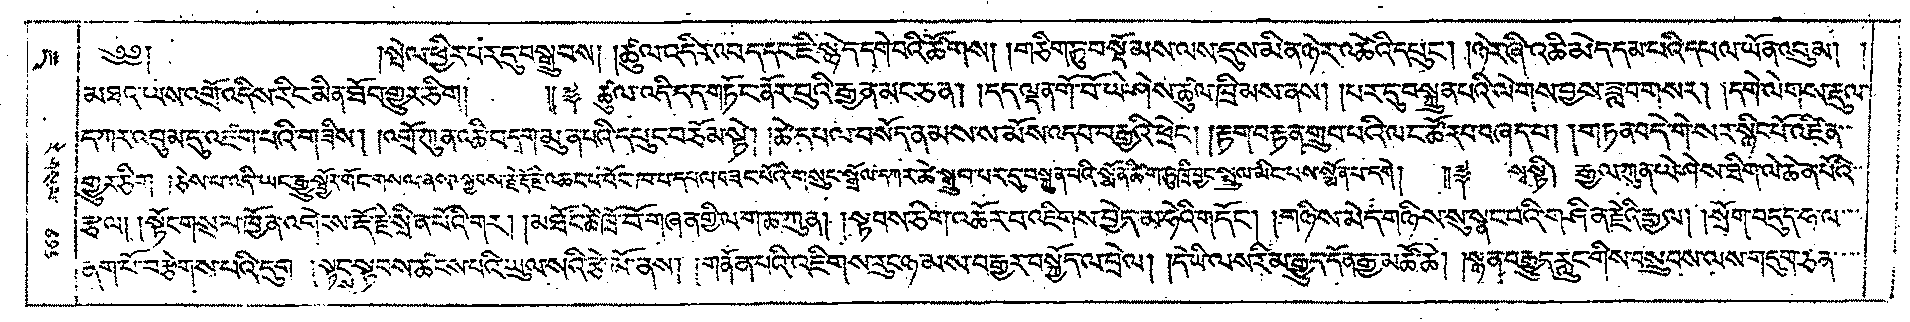༄༅། །སྤེལ་ཕྱིར་པར་དུ་བསྒྲུབས། །ཚུལ་འདིར་འབད་དང་ཇི་སྙེད་དགེ་བའི་ཚོགས། །གཅིག་ཏུ་བསྡོམས་ལས་དུས་མིན་ཉེར་འཚེའི་དཔུང་། །ཉེར་ཞི་འཆི་མེད་དམ་པའི་དཔལ་ཡོན་འབུམ། །
མཐའ་ཡས་འགྲོ་འདིས་རིང་མིན་ཐོབ་གྱུར་ཅིག ། །། ༈ ཚུལ་འདི་དད་གཏོང་ནོར་བུའི་རྒྱན་མང་ཅན། །དད་ལྡན་གོ་བོ་ཡེ་ཤེས་ཚུལ་ཁྲིམས་ནས། །པར་དུ་བསྐྲུན་པའི་ལེགས་བྱས་ཟླ་བ་གསར། །དགེ་ལེགས་རྡུལ་
དཀར་འབུམ་དུ་འཛག་པའི་གཟིས། །འགྲོ་ཀུན་འཆི་བདག་མུན་པའི་དཔུང་བཅོམ་སྟེ། །ཚེ་དཔལ་བསོད་ནམས་ས་མོས་འདབ་བརྒྱའི་ཕྲེང་། །རྟག་བརྟན་གྲུབ་པའི་ལང་ཚོ་རབ་བཞད་པ། །གཏན་བདེ་གེ་སར་སྙིང་པོ་འཛིན་
གྱུར་ཅིག ། ཅེས་པ་འདི་ཡང་རྒྱུ་སྦྱོར་གོང་གསལ་ནས་༧སྐྱབས་རྗེ་རྡོ་རྗེ་འཆང་ཕ་བོང་ཁ་པ་དཔལ་བཟང་པོའི་གསུང་སྒྲོལ་དཀར་ཚེ་སྒྲུབ་པར་དུ་བསྐྲུན་པའི་སྨོན་ཚིག་ཏུ་ཁྲི་བྱང་སྤྲུལ་མིང་པས་སྨོན་པ་དགེ།  །། ༈ སྭ་སྟི། རྒྱལ་ཀུན་ཡེ་ཤེས་ཐིག་ལེ་ཆེན་པོའི་
རྩལ། །སྟོང་གསུམ་ཁྱོན་འགེངས་རྡོ་རྗེ་སྲིན་པོའི་གར། །མཐོང་ཚེ་ཁྲོ་བོ་གཞན་གྱི་ལག་ཆ་ཀུན། །སྟབས་ཅིག་འཆོར་བ་འཇིགས་བྱེད་མ་ཧེའི་གདོང་། །གཉིས་མེད་གཉིས་སུ་སྣང་བའི་གཤིན་རྗེའི་རྒྱལ། །སྲོག་བདུད་ཧ་ལ་
ནག་པོ་བརྩེགས་པའི་དུག །སྟངས་སྟབས་ཚངས་པའི་ཡུལ་སའི་རྩེ་མོ་ནས། །གནོན་པའི་འཇིགས་རུང་ཉམས་བརྒྱར་བསྐྱོད་ལ་བྲེལ། །དེ་ཡི་ལས་རིམ་རྒྱུད་དོན་རྒྱ་མཚོ་ཆེ། །སྙན་བརྒྱུད་རླུང་གིས་བསྲུབས་ལས་གདུག་ཅན་